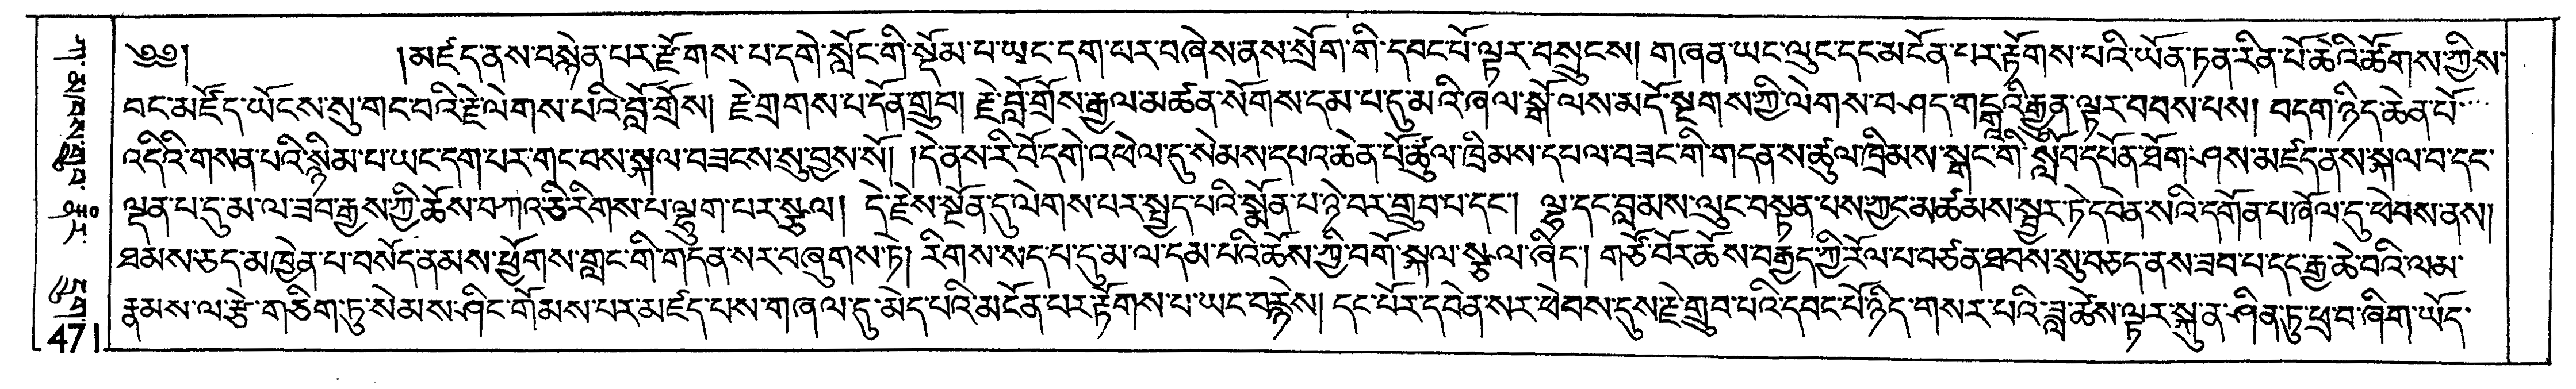༄༅། །མཛད་ནས་བསྙེན་པར་རྫོགས་པ་དགེ་སློང་གི་སྡོམ་པ་ཡང་དག་པར་བཞེས་ནས་སྲོག་གི་དབང་པོ་ལྟར་བསྲུངས། གཞན་ཡང་ལུང་དང་མངོན་པར་རྟོགས་པའི་ཡོན་ཏན་རིན་པོ་ཆེའི་ཚོགས་ཀྱིས་
བང་མཛོད་ཡོངས་སུ་གང་བའི་རྗེ་ལེགས་པའི་བློ་གྲོས། རྗེ་གྲགས་པ་དོན་གྲུབ། རྗེ་བློ་གྲོས་རྒྱལ་མཚན་སོགས་དམ་པ་དུ་མའི་ཞལ་སྒོ་ལས་མདོ་སྔགས་ཀྱི་ལེགས་བཤད་གངྒཱའི་རྒྱུན་ལྟར་བབས་པས། བདག་ཉིད་ཆེན་པོ་
འདིའི་གསན་པའི་སྙིམ་པ་ཡང་དག་པར་གང་བས་སྐལ་བཟངས་སུ་བྱས་སོ། །དེ་ནས་རི་བོ་དགེ་འཕེལ་དུ་སེམས་དཔའ་ཆེན་པོ་ཚུལ་ཁྲིམས་དཔལ་བཟང་གི་གདན་ས་ཚུལ་ཁྲིམས་སྒང་གི་སློབ་དཔོན་ཐོག་ཤས་མཛད་ནས་སྐལ་བ་དང་
ལྡན་པ་དུ་མ་ལ་ཟབ་རྒྱས་ཀྱི་ཆོས་བཀའ་ཅི་རིགས་པ་ལྷུག་པར་སྩལ། དེ་རྗེས་སྔོན་དུ་ལེགས་པར་སྤྱད་པའི་སྨོན་པ་ཉེ་བར་གྲུབ་པ་དང་། ལྷ་དང་བླ་མས་ལུང་བསྟན་པས་ཀྱང་མཚམས་སྦྱར་ཏེ་དབེན་སའི་དགོན་པ་ཞོལ་དུ་ཕེབས་ནས།
ཐམས་ཅད་མཁྱེན་པ་བསོད་ནམས་ཕྱོགས་གླང་གི་གདན་སར་བཞུགས་ཏེ། རིགས་སད་པ་དུ་མ་ལ་དམ་པའི་ཆོས་ཀྱི་བགོ་སྐལ་སྩལ་ཞིང་། གཙོ་བོར་ཆོས་བརྒྱད་ཀྱི་རོལ་པ་བཙན་ཐབས་སུ་བཅད་ནས་ཟབ་པ་དང་རྒྱ་ཆེ་བའི་ལམ་
རྣམས་ལ་རྩེ་གཅིག་ཏུ་སེམས་ཤིང་གོམས་པར་མཛད་པས་གཞལ་དུ་མེད་པའི་མངོན་པར་རྟོགས་པ་ཡང་བརྙེས། དང་པོར་དབེན་སར་ཕེབས་དུས་རྗེ་གྲུབ་པའི་དབང་པོ་ཉིད་གསར་པའི་ཟླ་ཚེས་ལྟར་སྐུ་ན་ཤིན་ཏུ་ཕྲ་བ་ཞིག་ཡོད་